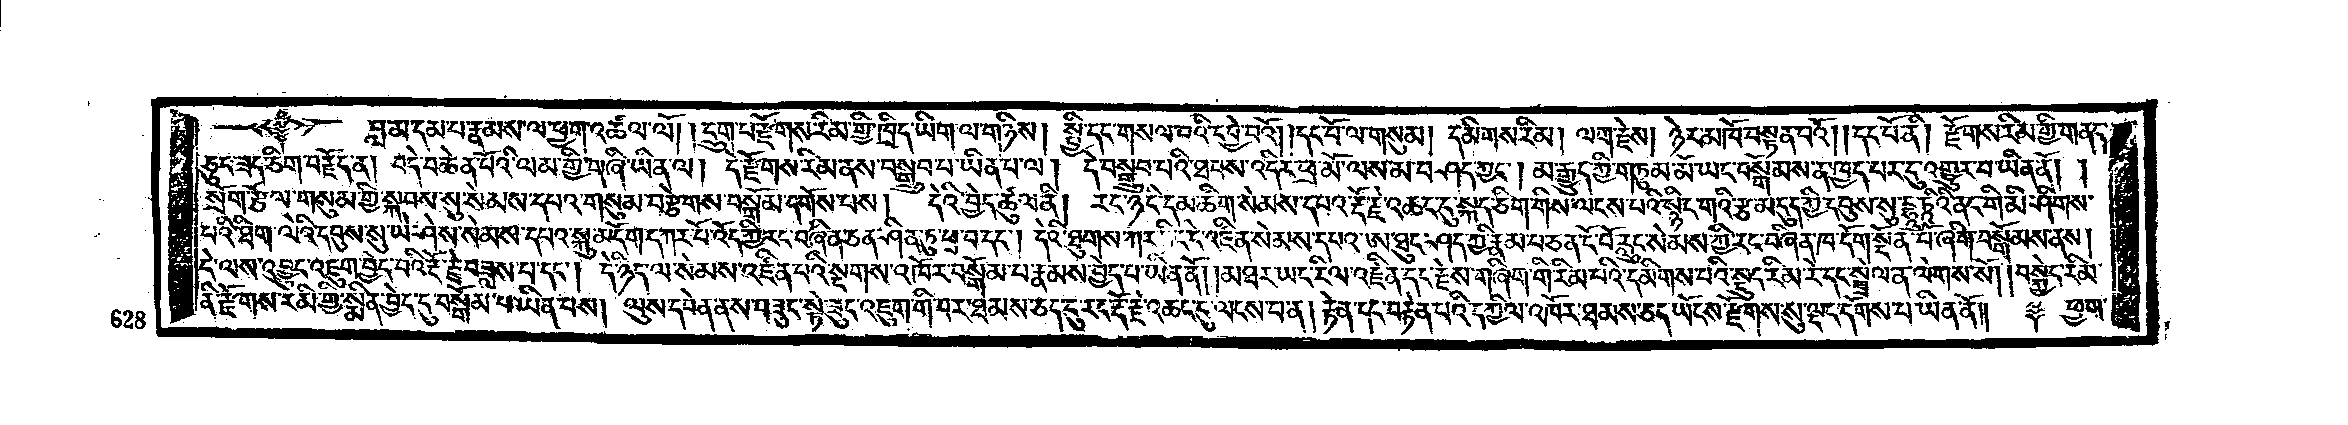ཅུང་ཟད་ཅིག་བརྗོད་ན། བདེ་བ་ཆེན་པོའི་ལམ་གྱི་གཞི་ཡིན་ལ། དེ་རྫོགས་རིམ་ནས་བསྒྲུབ་པ་ཡིན་པ་ལ། དེ་བསྒྲུབ་པའི་ཐབས་འདིར་ཕྲ་མོ་ལས་མ་བཤད་ཀྱང་། མ་རྒྱུད་ཀྱི་གཏུམ་མོ་ཡང་བསྒོམས་ན་ཁྱད་པར་དུ་འགྱུར་བ་ཡིན་ནོ། །
སྲོག་རྩོལ་གསུམ་གྱི་སྐབས་སུ་སེམས་དཔའ་གསུམ་བརྩེགས་བསྒོམ་དགོས་པས། དེའི་བྱེད་ཚུལ་ནི། རང་ཉིད་དམ་ཚིག་སེམས་དཔའ་རྡོ་རྗེ་འཆང་དུ་སྐད་ཅིག་གིས་ལངས་པའི་སྙིང་གའི་རྩ་མདུད་ཀྱི་དབུས་སུ་དྷཱུ་ཏཱིའི་ནང་གི་མི་ཤིགས་
པའི་ཐིག་ལེའི་དབུས་སུ་ཡེ་ཤེས་སེམས་དཔའ་སྐུ་མདོག་དཀར་པོ་འོད་ཀྱི་རང་བཞིན་ཅན་ཤིན་ཏུ་ཕྲ་བ་དང་། དེའི་ཐུགས་ཀར་ཏིང་ངེ་འཛིན་སེམས་དཔའ་ཨ་ཐུང་ཤད་ཀྱི་རྣམ་པ་ཅན་ངོ་བོ་རླུང་སེམས་ཀྱི་རང་བཞིན་ཁ་དོག་སྔོན་པོ་ཞིག་བསྒོམས་ནས།
དེ་ལས་འབྱུང་འཇུག་བྱེད་བའི་རྡོ་རྗེ་བཟླས་པ་དང་། དེ་ཉིད་ལ་སེམས་འཛིན་པའི་སྔགས་འཁོར་བསྒོམ་པ་རྣམས་བྱེད་པ་ཡིན་ནོ། །མཐར་ཡང་རིལ་འྲྫིན་དང་རྗེས་གཞིག་གི་རིམ་པའི་དམིགས་པའི་སྡུད་རིམ་རེ་དང་སྦྲེལ་ན་ལེགས་སོ། །བསྐྱེད་རིམ་
ནི་རྫོགས་རིམ་གྱི་སྨིན་བྱེད་དུ་བསྒོམ་པ་ཡིན་པས། ལུས་དབེན་ནས་བཟུང་སྟེ་ཟུང་འཇུག་གི་བར་ཐམས་ཅད་དུ་རང་རྡོ་རྗེ་འཆང་དུ་ལངས་པ་ན། རྟེན་དང་བརྟེན་པའི་དཀྱིལ་འཁོར་ཐམས་ཅད་ཡོངས་རྫོགས་སུ་ལྡང་དགོས་པ་ཡིན་ནོ།། ༈ ཕྱག་